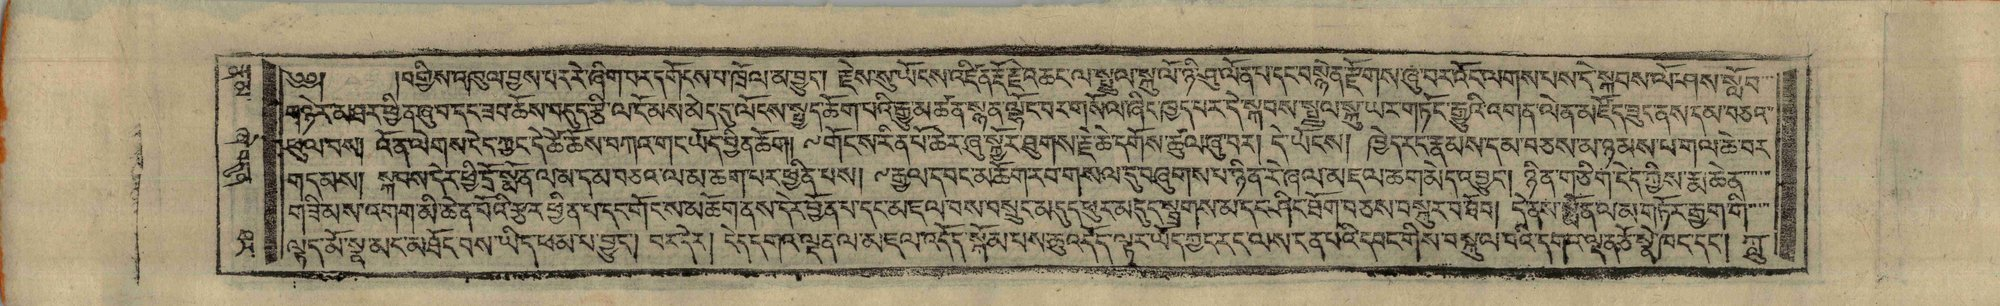༄༅། །བགྱིས་འཁུལ་བྱས་པར་རེ་ཞིག་བར་དགོངས་པ་ཁྲོལ་མ་བྱུང་། རྗེས་སུ་ཡོངས་འཛིན་རྡོ་རྗེ་འཆང་ལ་སྤྲུལ་སྐུ་ལོ་ཉི་ཤུ་ལོན་པ་དང་བསྙེན་རྫོགས་ཞུ་བར་འོང་ལགས་པས་དེ་སྐབས་ལོ་ཤས་སློབ་
གཉེར་མཐར་ཕྱིན་ཞུ་བ་དང་ཟབ་ཆོས་བདུད་རྩི་ལ་ངོམས་མེད་དུ་ལོངས་སྤྱད་ཆོག་པའི་རྒྱུ་མཚན་སྙན་ལྷོང་བར་གསོལ་ཞིང་ཁྱད་པར་དེ་སྐབས་སྤྲུལ་སྐུ་ཡར་གཏོང་རྒྱུའི་འགན་ལེན་མཛོད་ཟུང་ནས་དམ་བཅའ་
ཕུལ་བས། འོ་ན་ལེགས་ངེད་ཀྱང་དེ་ཚེ་ཆོས་བཀའ་གང་ཡོད་བྱིན་ཆོག །༧གོང་ས་རིན་པོ་ཆེར་ཞུ་སྐྱོར་ཐུགས་རྗེ་ཆེ་དགོས་ཚུལ་ཞུ་བར། དེ་ཡོངས། ཁྱེད་རང་རྣམས་དམ་བཅས་མ་ཉམས་པ་གལ་ཆེ་བར་
གདམས། སྐབས་དེར་ཕྱི་དྲོ་སྨོན་ལམ་དམ་བཅའ་ལམ་ཆག་པར་ཕྱིན་པས། ༧་རྒྱལ་དབང་མཆོག་རབ་གསལ་དུ་བཞུགས་པ་ཉིན་རེ་ཞལ་མཇལ་ཆག་མེད་འབྱུང་། ཉིན་གཅིག་ངེད་ཀྱིས་རྨ་ཆེན་
གཟིམས་འགག་མི་ཆེན་པོའི་རྩར་ཕྱིན་པ་དང་གོང་ས་མཆོག་ནས་དེར་བྱོན་པ་དང་མཇལ་བས་བསྲུང་མདུད་ཕུར་མདུད་སྦྲགས་མ་དང་ཤིང་ཐོག་བཅས་བསྐུར་བ་ཐོབ། དེ་ནས་སྨོན་ལམ་གཏོར་རྒྱག་གི་
ལྟད་མོ་སྣ་མང་མཐོང་བས་ཡིད་ཕམ་པ་བྱུང་། བར་དེར། ངེད་དགའ་ལྡན་ལ་མཇལ་འདོད་སྐོམ་པས་ཆུ་འདོད་ལྟར་ཡོད་ཀྱང་རང་ལས་ངན་པའི་དབང་གིས་བསྐུལ་བའི་དགའ་ལྡན་ཅོ་སྣེ་ཁང་དང་། ཀླུ་